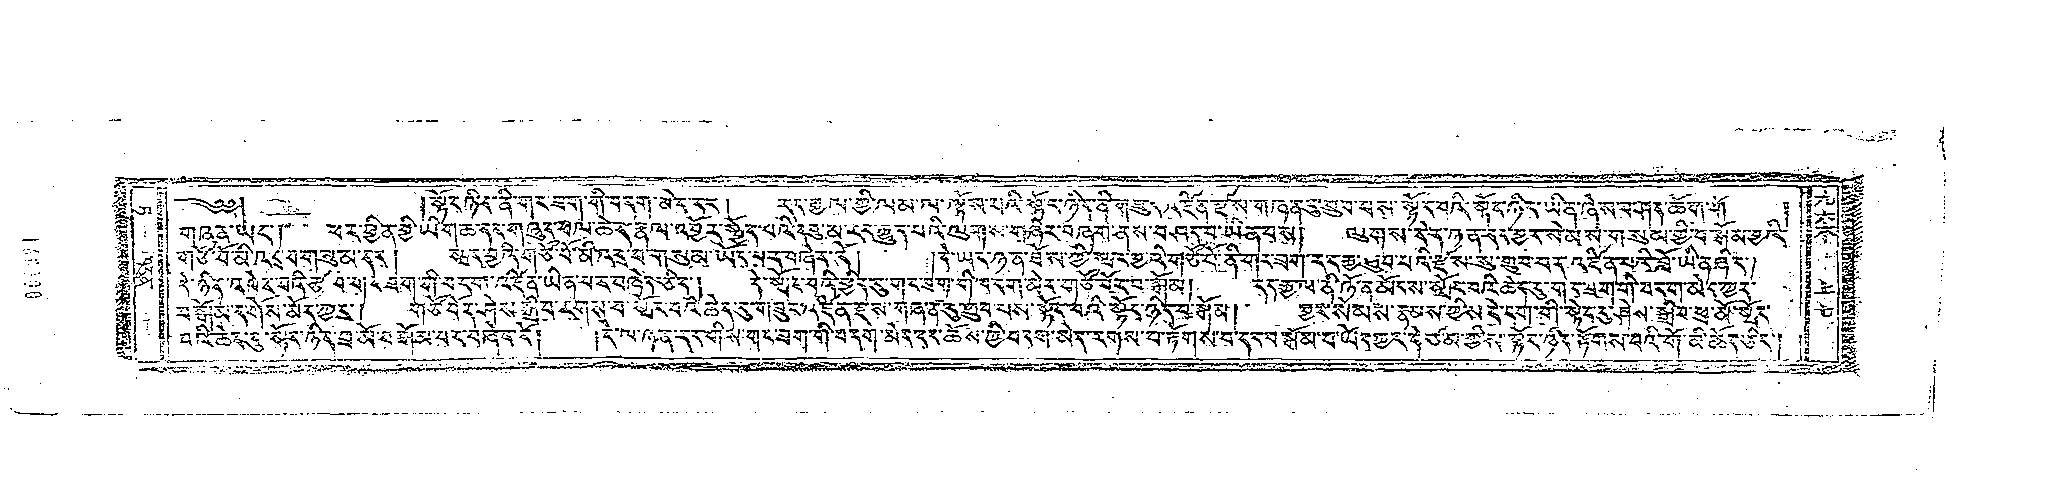༄༅། །སྟོང་ཉིད་ནི་གང་ཟག་གི་བདག་མེད་དང་། རང་རྒྱལ་གྱི་ལམ་ལ་ལྟོས་པའི་སྟོང་ཉིད་ནི་གཟུང་འཛིན་རྫས་གཞན་དུ་གྲུབ་པས་སྟོང་པའི་སྟོང་ཉིད་ཡིན་ཞེས་བཤད་ཆོག་གོ །
གཞན་ཡང་། ཕར་ཕྱིན་གྱི་ཡིག་ཆ་དང་གཞུང་ཕལ་ཆེར་རྣལ་འབྱོར་སྤྱོད་པའི་དབུ་མ་རང་རྒྱུད་པའི་ལུགས་གཞིར་བཞག་ནས་བཤད་པ་ཡིན་པས། ལུགས་དེར་ཉན་རང་བྱང་སེམས་གསུམ་གྱི་བསྒོམ་བྱའི་
གཙོ་བོ་མི་འདྲ་བ་གསུམ་དང་། སྤང་བྱའི་གཙོ་བོ་མི་འདྲ་བ་གསུམ་ཡོད་བར་བཞེད་དོ། །དེ་ཡང་ཉན་ཐོས་ཀྱི་སྤང་བྱའི་གཙོ་བོ་ནི་གང་ཟག་རང་རྐྱ་ཐུབ་པའི་རྫས་སུ་གྲུབ་པར་འཛིན་པའི་བློ་ཡིན་ཞིང་།
དེ་ཉིད་འཁོར་བའི་རྩ་བ་གང་ཟག་གི་བདག་འཛིན་ཡིན་པར་བཞེད་ཅིང་། དེ་སྤོང་བའི་ཕྱིར་དུ་གང་ཟག་གི་བདག་མེད་གཙོ་བོར་བསྒོམ། རང་རྒྱལ་ནི་ཉོན་མོངས་སྤོང་བའི་ཆེད་དུ་གང་ཟག་གི་བདག་མེད་ཀྱང་།
བསྒོམ་དགོས་མོད་ཀྱང་། གཙོ་བོར་ཤེས་སྒྲིབ་རགས་པ་སྤོང་བའི་ཆེད་དུ་གཟུང་འཛིན་རྫས་གཞན་དུ་གྲུབ་པས་སྟོང་པའི་སྟོང་ཉིད་བསྒོམ། བྱང་སེམས་རྣམས་ཀྱིས་དེ་དག་གི་སྟེང་དུ་ཤེས་སྒྲིབ་ཕྲ་མོ་སྤོང་
པའི་ཆེད་དུ་སྟོང་ཉིད་ཕྲ་མོ་བསྒོམ་པར་བཞེད་དོ། །དེ་ལ་ཉན་རང་གིས་གང་ཟག་གི་བདག་མེད་དང་ཆོས་ཀྱི་བདག་མེད་རགས་པ་རྟོགས་པ་དང་བསྒོམ་པ་ཡོད་ཀྱང་དེ་ཙམ་གྱིས་སྟོང་ཉིད་རྟོགས་པའི་གོ་མི་ཆོད་ཅིང་།